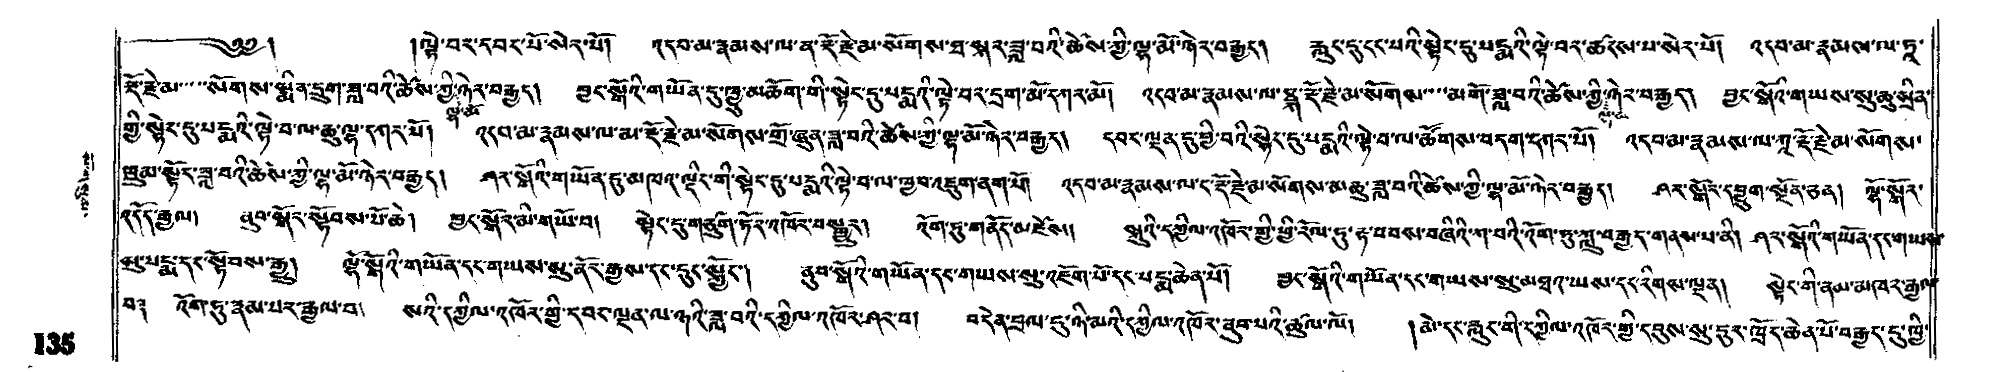༄༅། །ལྟེ་བར་དབང་པོ་སེར་པོ། འདབ་མ་རྣམས་ལ་ན་རྡོ་རྗེ་མ་སོགས་ཐ་སྐར་ཟླ་བའི་ཚེས་ཀྱི་ལྷ་མོ་ཉེར་བརྒྱད། རླུང་དུ་དང་པའི་སྟེང་དུ་པདམའི་ལྟེ་བར་ཚངས་པ་སེར་པོ། འདབ་མ་རྣམས་ལ་ཏཱ་
རྡོ་རྗེ་མ་སོགས་སྨིན་དྲུག་ཟླ་བའི་ཚེས་ཀྱི་ལྷ་མོ་ཉེར་བརྒྱད། བྱང་སྒོའི་གཡོན་དུ་ཁྱུ་མཆོག་གི་སྟེང་དུ་པདམའི་ལྟེ་བར་དྲག་མོ་དཀར་མོ། འདབ་མ་རྣམས་ལ་྾ཀ?་རྡོ་རྗེ་མ་སོགས་མགོ་ཟླ་བའི་ཚེས་ཀྱི་ལྷ་མ་ཉེར་བརྒྱད། བྱང་སྒོའི་གཡས་སུ་ཆུ་སྲིན་
གྱི་སྟེང་དུ་པདམའི་ལྟེ་བ་ལ་ཆུ་ལྷ་དཀར་པོ། འདབ་མ་རྣམས་ལ་མ་རྡོ་རྗེ་མ་སོགས་གྲོ་ཞུན་ཟླ་བའི་ཚེས་ཀྱི་ལྷ་མོ་ཉེར་བརྒྱད། དབང་ལྡན་དུ་བྱི་བའི་སྟེང་དུ་པདམའི་ལྟེ་བ་ལ་ཚོགས་བདག་དཀར་པོ། འདབ་མ་རྣམས་ལ་ཀཱ་རྡོ་རྗེ་མ་སོགས་
ཁྲུམ་སྟོང་ཟླ་བའི་ཚེས་ཀྱི་ལྷ་མོ་ཉེར་བརྒྱད། ཤར་སྒོའི་གཡོན་དུ་མཁའ་ལྡིང་གི་སྟེང་དུ་པདམའི་ལྟེ་བ་ལ་ཁྱབ་འཇུག་ནག་པོ། འདབ་མ་རྣམས་ལ་ང་རྡོ་རྗེ་མ་སོགས་མཆུ་ཟླ་བའི་ཚེས་ཀྱི་ལྷ་མོ་ཉེར་བརྒྱད། ཤར་སྒོར་དབྱུག་སྔོན་ཅན། ལྷོ་སྒོར་
འདོད་རྒྱལ། ནུབ་སྒོར་སྟོབས་པོ་ཆེ། བྱང་སྒོར་མི་གཡོ་བ། སྟེང་དུ་གཙུག་ཏོར་འཁོར་བསྒྱུར། འོག་ཏུ་གནོད་མཛེས། སྐུའི་དཀྱིལ་འཁོར་གྱི་ཕྱི་རོལ་ཏུ་རྟ་བབས་བཞིའི་ཀ་བའི་འོག་ཏུ་ཀླུ་བརྒྱད་གནས་པ་ནི། ཤར་སྒོའི་གཡོན་དང་གཡས་
སུ་པདམ་དང་སྟོབས་རྒྱུ། ལྷོ་སྒོའི་གཡོན་དང་གཡས་སུ་ནོར་རྒྱས་དང་དུང་སྐྱོང་། ནུབ་སྒོའི་གཡོན་དང་གཡས་སུ་འཇོག་པོ་དང་པདམ་ཆེན་པོ། བྱང་སྒོའི་གཡོན་དང་གཡས་སུ་མཐའ་ཡས་དང་རིགས་ལྡན། སྟེང་གི་ནམ་མཁར་རྒྱལ་
བ༑ འོག་ཏུ་རྣམ་པར་རྒྱལ་བ། སའི་དཀྱིལ་འཁོར་གྱི་དབང་ལྡན་ལ་ཉའི་ཟླ་བའི་དཀྱིལ་འཁོར་ཤར་བ། བདེན་བྲལ་དུ་ཉི་མའི་དཀྱིལ་འཁོར་ནུབ་པའི་ཚུལ་ལོ། །མེ་དང་རླུང་གི་དཀྱིལ་འཁོར་གྱི་དབུས་སུ་ཏུར་ཁྲོད་ཆེན་པོ་བརྒྱད་དུ་ཁྱི་